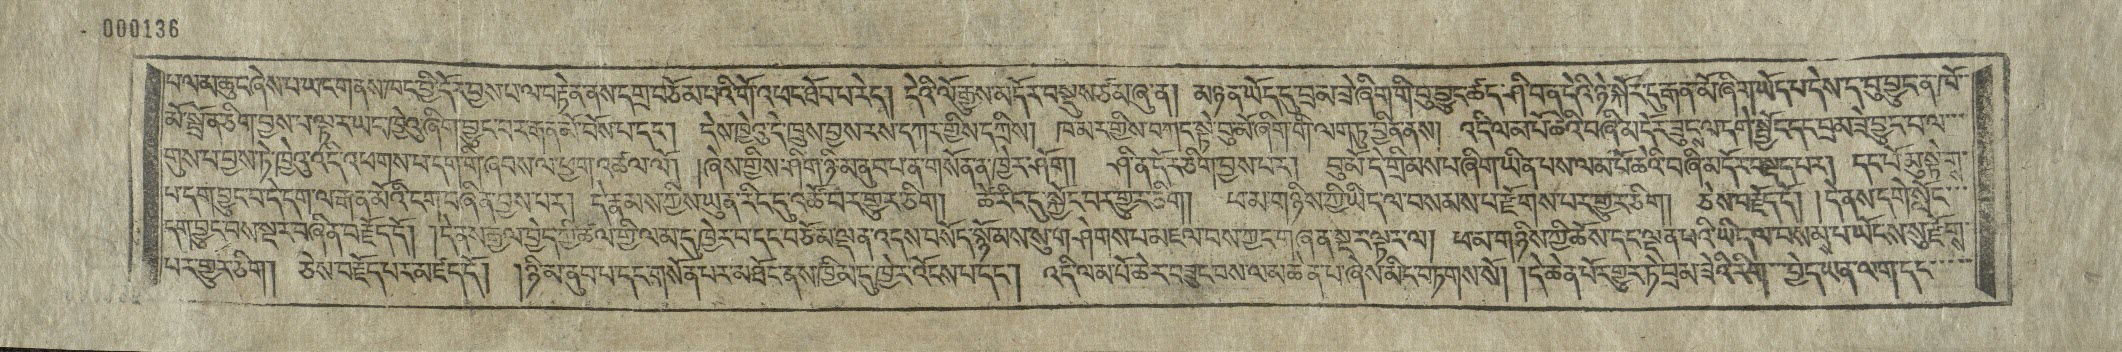པ་ལམ་ཆུང་ཞེས་པ་ཡང་གནས་ཁང་བྱི་དོར་བྱས་པ་ལ་བརྟེན་ནས་དགྲ་བཅོམ་པའི་གོ་འཕང་ཐོབ་པ་རེད། དེའི་ལོ་རྒྱུས་མདོར་བསྡུས་ཙམ་ཞུ་ན། མཉན་ཡོད་དུ་བྲམ་ཟེ་ཞིག་གི་བུ་བྱུང་ཚད་ཤི་བ་ན་དེའི་ཉེ་སྐོར་དུ་རྒན་མོ་ཞིག་ཡོད་པ་དེས་ད་བུ་བྱུང་ན་ཁོ་
མོ་སྦྲོན་ཅིག་བྱས་པ་ལྟར་ཡང་ཁྱེའུ་ཞིག་བྱུང་བར་རྒན་མོ་བོས་པ་དང་། དེས་ཁྱེའུ་དེ་ཁྲུས་བྱས་རས་དཀར་གྱིས་དཀྲིས། ཁ་མར་གྱིས་བཀང་སྟེ་བུ་མོ་ཞིག་གི་ལག་ཏུ་བྱིན་ནས། འདི་ལམ་པོ་ཆེའི་བཞི་མདོར་ཟུངས་ལ་དགེ་སྦྱོང་དང་བྲམ་ཟེ་བྱུང་བ་ལ་
གུས་པ་བྱས་ཏེ་ཁྱེའུ་འདི་འཕགས་པ་དག་གི་ཞབས་ལ་ཕྱག་འཚལ་ལོ། །ཞེས་གྱིས་ཤིག་ཉི་མ་ནུབ་པ་ན་གསོན་ན་ཁྱེར་ཤོག །ཤི་ན་དོར་ཅིག་བྱས་པར། བུ་མོ་དེ་གྲིམས་པ་ཞིག་ཡིན་པས་ལམ་པོ་ཆེའི་བཞི་མདོར་བསྡད་པར། དང་པོ་མུ་སྟེགས་
པ་དག་བྱུང་བ་དེ་དག་ལ་རྒན་མོའི་ངག་བཞིན་བྱས་པར། དེ་རྣམས་ཀྱིས་ཡུན་རིང་དུ་འཚོ་བར་གྱུར་ཅིག །ཚེ་རིང་དུ་སྐྱོང་བར་གྱུར་ཅིག །ཕ་མ་གཉིས་ཀྱི་ཡིད་ལ་བསམས་པ་རྫོགས་པར་གྱུར་ཅིག །ཅེས་བརྗོད་དོ། །དེ་ནས་དགེ་སློང་
དག་བྱུང་བས་སྔར་བཞིན་བརྗོད་དོ། །དེ་ནས་རྒྱལ་བྱེད་ཀྱི་ཚལ་གྱི་ལམ་དུ་ཁྱེར་བ་དང་བཅོམ་ལྡན་འདས་བསོད་སྙོམས་སུ་གཤེགས་པ་མཇལ་བས་ཀྱང་གཞན་སྔར་ལྟར་ལ། ཕ་མ་གཉིས་ཀྱི་ཆོས་དང་ལྡན་པའི་ཡིད་ལ་བསམས་པ་ཡོངས་སུ་རྫོགས་
པར་གྱུར་ཅིག །ཅེས་བརྗོད་པར་མཛད་དོ། །ཉི་མ་ནུབ་པ་དང་གསོན་པར་མཐོང་ནས་ཁྱིམ་དུ་ཁྱེར་འོངས་པ་དང་། འདི་ལམ་པོ་ཆེར་བཟུང་བས་ལམ་ཆེན་པ་ཞེས་མིང་བཏགས་སོ། །དེ་ཆེན་པོར་གྱུར་ཏེ་བྲམ་ཟེའི་རིག་བྱེད་ཡན་ལག་དང་